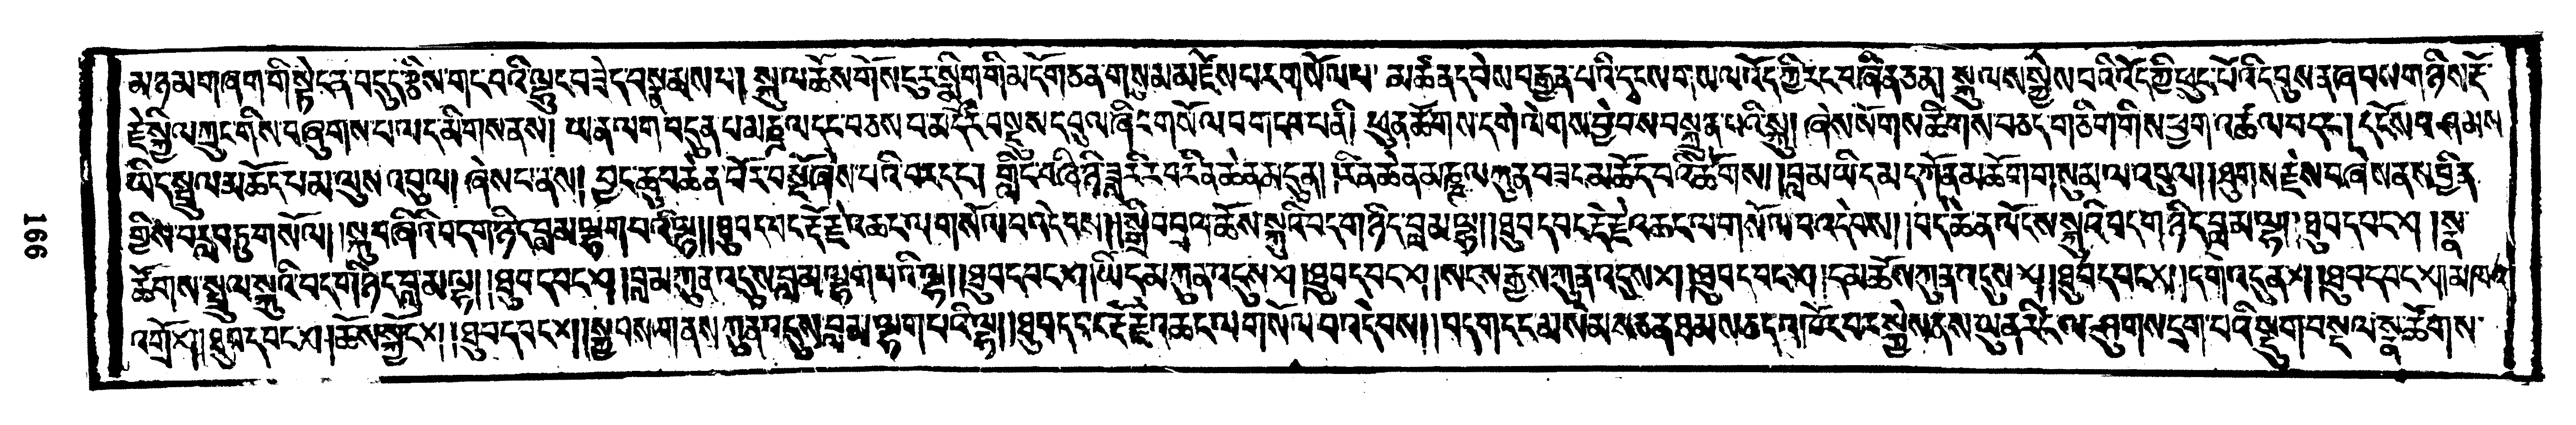མཉམ་གཞག་གི་སྟེང་ན་བདུད་རྩིས་གང་བའི་ལྷུང་བཟེད་བསྣམས་པ། སྐུ་ལ་ཆོས་གོས་དུར་སྨིག་གི་མདོག་ཅན་གསུམ་མཛེས་པར་གསོལ་པ་མཚན་དབེས་བརྒྱན་པའི་དྭངས་གསལ་འོད་ཀྱི་རང་བཞིན་ཅན། སྐུ་ལས་སྐྱེས་པའི་འོད་ཀྱི་ཕུང་པོའི་དབུས་ན་ཞབས་གཉིས་རྡོ་
རྗེ་སྐྱིལ་ཀྲུང་གིས་བཞུགས་པ་ལ་དམིགས་ནས། ཡན་ལག་བདུན་པ་མཎྜལ་དང་བཅས་པ་མདོར་བསྡུས་དབུལ་ཞིང་གསོལ་བ་གདབ་པ་ནི། ཕུན་ཚོགས་དགེ་ལེགས་བྱེ་བས་བསྐྲུན་པའི་སྐུ། ཞེས་སོགས་ཚིགས་བཅད་གཅིག་གིས་ཕྱག་འཚལ་བ་དང་། དངོས་བཤམས་
ཡིད་སྦྲུལ་མཆོད་པ་མ་ལུས་འབུལ། ཞེས་པ་ནས། བྱང་ཆུབ་ཆེན་པོར་བསྔོ་ཞེས་པའི་བར་དང་། གླིང་བཞི་ཉི་ཟླ་རི་རབ་རིན་ཆེན་མདུན། །རིན་ཆེན་མཎྜལ་ཀུན་བཟང་མཆོད་པའི་ཚོགས། །བླ་མ་ཡི་དམ་དཀོན་མཆོག་གསུམ་ལ་འབུལ། །ཐུགས་རྗེས་བཞེས་ནས་བྱིན་
གྱིས་བརླབ་ཏུ་གསོལ། །སྐུ་བཞིའི་བདག་ཉིད་བླ་མ་ལྷག་པའི་ལྷ། །ཐུབ་དབང་རྡོ་རྗེ་འཆང་ལ་གསོལ་བ་འདེབས། །སྒྲིབ་བྲལ་ཆོས་སྐུའི་བདག་ཉིད་བླ་མ་ལྷ། །ཐུབ་དབང་རྡོ་རྗེ་འཆང་ལ་གསོལ་བ་འདེབས། །བདེ་ཆེན་ལོངས་སྐུའི་བདག་ཉིད་བླ་མ་ལྷ། །ཐུབ་དབང་྾། །སྣ་
ཚོགས་སྦྲུལ་སྐུའི་བདག་ཉིད་བླ་མ་ལྷ། །ཐུབ་དབང་྾། །བླ་མ་ཀུན་འདུས་བླ་མ་ལྷག་པའི་ལྷ། །ཐུབ་དབང་྾། །ཡི་དམ་ཀུན་འདུས་྾། །ཐུབ་དབང་྾། །སངས་རྒྱས་ཀུན་འདུས་྾། །ཐུབ་དབང་྾། །དམ་ཆོས་ཀུན་འདུས་྾། །ཐུབ་དབང་྾། །དགེ་འདུན་྾། །ཐུབ་དབང་྾། །མཁའ་
འགྲོ་྾། །ཐུབ་དབང་྾། །ཆོས་སྐྱོང་྾། །ཐུབ་དབང་྾། །སྐྱབས་གནས་ཀུན་འདུས་བླ་མ་ལྷག་པའི་ལྷ། །ཐུབ་དབང་རྡོ་རྗེ་འཆང་ལ་གསོལ་བ་འདེབས། །བདག་དང་མ་སེམས་ཅན་ཐམས་ཅད་འཁོར་བར་སྐྱེས་ནས་ཡུན་རིང་ལ་ཤུགས་དྲག་པའི་སྡུག་བསྔལ་སྣ་ཚོགས་